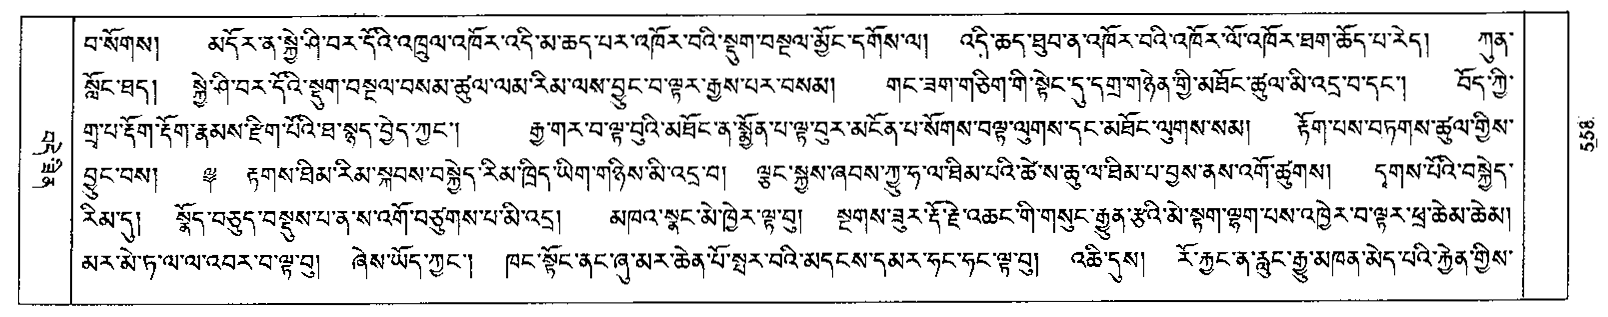བ་སོགས། མདོར་ན་སྐྱེ་ཤི་བར་དོའི་འཁྲུལ་འཁོར་འདི་མ་ཆད་པར་འཁོར་བའི་སྡུག་བསྔལ་མྱོང་དགོས་ལ། འདི་ཆད་ཐུབ་ན་འཁོར་བའི་འཁོར་ལོ་འཁོར་ཐག་ཆོད་པ་རེད། ཀུན་
སློང་ཐད། སྐྱེ་ཤི་བར་དོའི་སྡུག་བསྔལ་བསམ་ཚུལ་ལམ་རིམ་ལས་བྱུང་བ་ལྟར་རྒྱས་པར་བསམ། གང་ཟག་གཅིག་གི་སྟེང་དུ་དགྲ་གཉེན་གྱི་མཐོང་ཚུལ་མི་འདྲ་བ་དང་། བོད་ཀྱི་
གྲྭ་པ་རྡོག་རྡོག་རྣམས་རྫིག་པོའི་ཐ་སྙད་བྱེད་ཀྱང་། རྒྱ་གར་བ་ལྟ་བུའི་མཐོང་ན་སྨྱོན་པ་ལྟ་བུར་མངོན་པ་སོགས་བལྟ་ལུགས་དང་མཐོང་ལུགས་སམ། རྟོག་པས་བཏགས་ཚུལ་གྱིས་
བྱུང་བས། ༈ རྟགས་ཐིམ་རིམ་སྐབས་བསྐྱེད་རིམ་ཁྲིད་ཡིག་གཉིས་མི་འདྲ་བ། ལྕང་སྐྱས་ཞབས་ཀྱུ་ཧ་ལ་ཐིམ་པའི་ཚེ་ས་ཆུ་ལ་ཐིམ་པ་བྱས་ནས་འགོ་ཚུགས། དྭགས་པོའི་བསྐྱེད་
རིམ་དུ། སྣོད་བཅུད་བསྡུས་པ་ན་ས་འགོ་བཙུགས་པ་མི་འདྲ། མཁའ་སྣང་མེ་ཁྱེར་ལྟ་བུ། སྔགས་ཟུར་རྡོ་རྗེ་འཆང་གི་གསུང་རྒྱུན་རྩའི་མེ་སྟག་ལྷག་པས་འཁྱེར་བ་ལྟར་ཕྲ་ཆེམ་ཆེམ།
མར་མེ་ཏ་ལ་ལ་འབར་བ་ལྟ་བུ། ཞེས་ཡོད་ཀྱང་། ཁང་སྟོང་ནང་ཞུ་མར་ཆེན་པོ་སྤར་བའི་མདངས་དམར་ཧང་ཧང་ལྟ་བུ། འཆི་དུས། རོ་རྐྱང་ན་རླུང་རྒྱུ་མཁན་མེད་པའི་རྐྱེན་གྱིས་